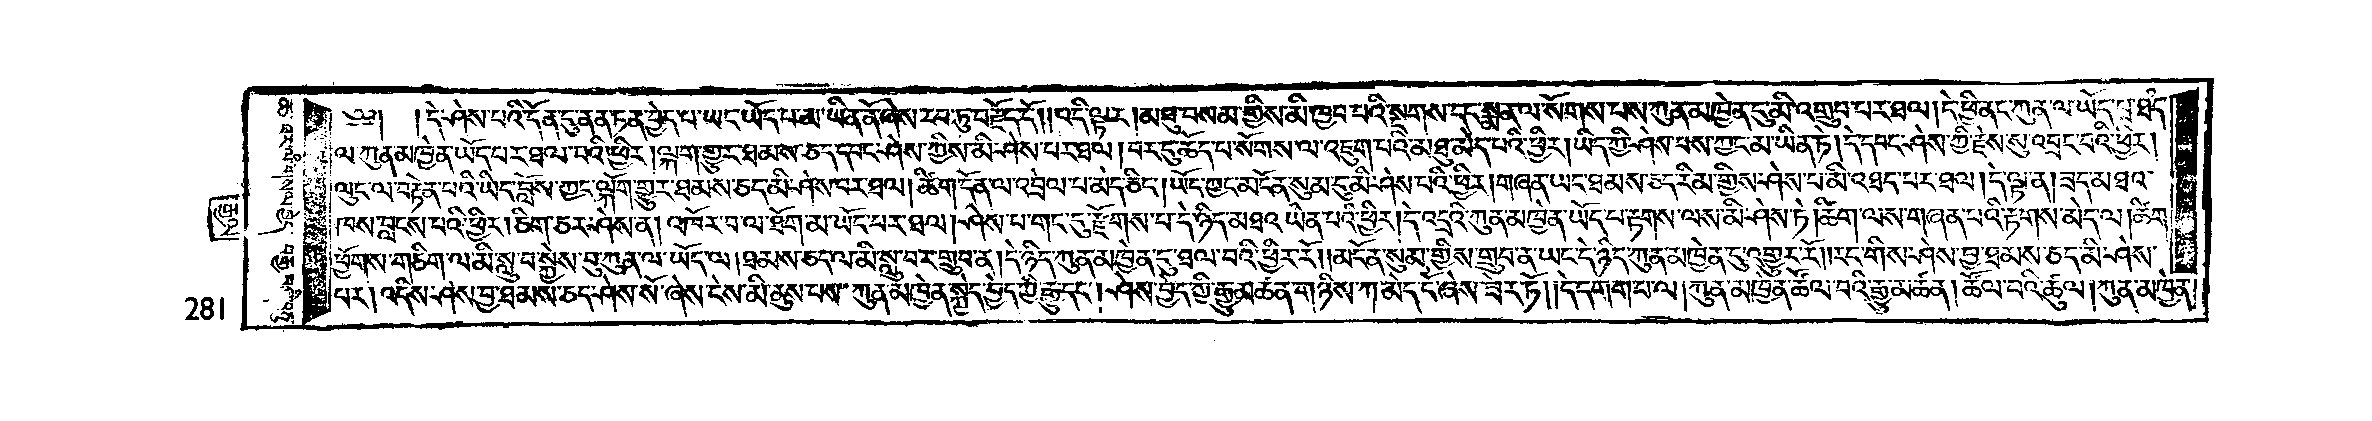༄༅། །དེ་ཤེས་པའི་དོན་དུ་ནན་ཏན་བྱེད་པ་ཡང་ཡོད་པ་མ་ཡིན་ནོ་ཞེས་རབ་ཏུ་བརྗོད་དོ། །འདི་ལྟར། མཐུ་བསམ་གྱིས་མི་ཁྱབ་པའི་སྔགས་དང་སྨན་ལ་སོགས་པས་ཀུན་མཁྱེན་དུ་མི་འགྲུབ་པར་ཐལ། དེ་ཕྱི་ནང་ཀུན་ལ་ཡོད་པས་ཐཾ་ཅད་
ལ་ཀུན་མཁྱེན་ཡོད་པར་ཐལ་བའི་ཕྱིར། ལྐོག་གྱུར་ཐམས་ཅད་དབང་ཤེས་ཀྱིས་མི་ཤེས་པར་ཐལ། བར་དུ་ཆོད་པ་སོགས་ལ་འཇུག་པའི་མཐུ་མེད་པའི་ཕྱིར། ཡིད་ཀྱི་ཤེས་པས་ཀྱང་མ་ཡིན་ཏེ། དེ་དབང་ཤེས་ཀྱི་རྗེས་སུ་འབྲང་བའི་ཕྱིར།
ལུང་ལ་བརྟེན་པའི་ཡིད་བློས་ཀྱང་ལྐོག་གྱུར་ཐམས་ཅད་མི་ཤེས་པར་ཐལ། ཚིག་དོན་ལ་འབྲེལ་པ་མེད་ཅིང་། ཡོད་ཀྱང་མངོན་སུམ་དུ་མི་ཤེས་པའི་ཕྱིར། གཞན་ཡང་ཐམས་ཅད་རིམ་གྱིས་ཤེས་པ་མི་འཐད་པར་ཐལ། དེ་ལྟ་ན། ཟད་མཐའ་
ཁས་བླངས་པའི་ཕྱིར། ཅིག་ཅར་ཤེས་ན། འཁོར་བ་ལ་ཐོག་མ་ཡོད་པར་ཐལ། ཤེས་པ་གང་དུ་རྫོགས་པ་དེ་ཉིད་མཐའ་ཡིན་པའི་ཕྱིར། དེ་འདྲའི་ཀུན་མཁྱེན་ཡོད་པ་རྟགས་ལས་མི་ཤེས་ཏེ། ཚིག་ལས་གཞན་པའི་རྟགས་མེད་ལ། ཚིག་
ཕྱོགས་གཅིག་ལ་མི་སླུ་བ་སྐྱེས་བུ་ཀུན་ལ་ཡོད་ལ། ཐམས་ཅད་ལ་མི་སླུ་བར་གྲུབ་ན། དེ་ཉིད་ཀུན་མཁྱེན་དུ་ཐལ་བའི་ཕྱིར་རོ། །མངོན་སུམ་གྱིས་གྲུབ་ན་ཡང་དེ་ཉིད་ཀུན་མཁྱེན་དུ་འགྱུར་རོ། །རང་གིས་ཤེས་བྱ་ཐམས་ཅད་མི་ཤེས་
པར། འདིས་ཤེས་བྱ་ཐམས་ཅད་ཤེས་སོ་ཞེས་ངེས་མི་ནུས་པས་ཀུན་མཁྱེན་སྐྱེད་བྱེད་ཀྱི་རྒྱུ་དང་། ཤེས་བྱེད་ཀྱི་རྒྱུ་མཚན་གཉིས་ཀ་མེད་དོ་ཞེས་ཟེར་ཏོ། །དེ་དགག་པ་ལ། ཀུན་མཁྱེན་ཚོལ་བའི་རྒྱུ་མཚན། ཚོལ་བའི་ཚུལ། ཀུན་མཁྱེན་